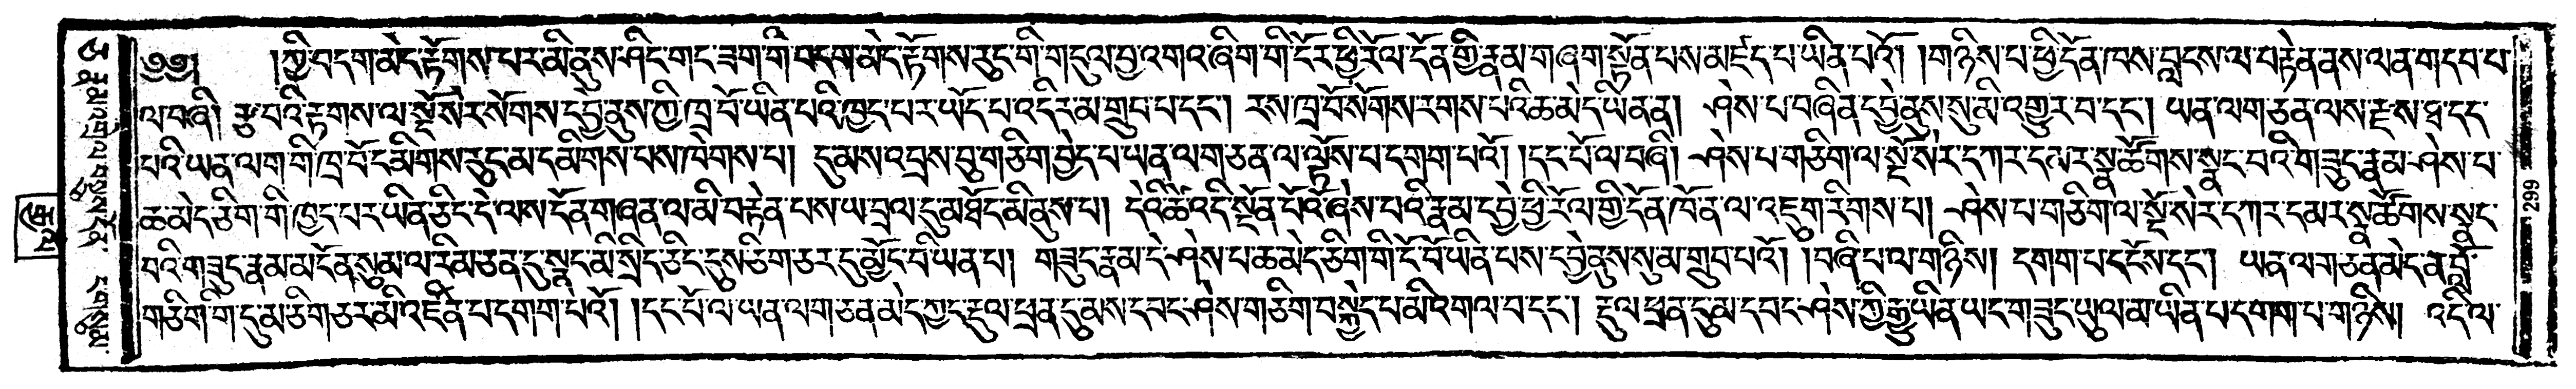༄༅། །ཀྱི་བདག་མེད་རྟོགས་པར་མི་ནུས་ཤིང་གང་ཟག་གི་བདག་མེད་རྟོགས་རུང་གི་གདུལ་བྱ་འགའ་ཞིག་གི་ངོར་ཕྱི་རོལ་དོན་གྱི་རྣམ་གཞག་སྟོན་པས་མཛད་པ་ཡིན་པའོ། །གཉིས་པ་ཕྱི་དོན་ཁས་བླངས་ལ་བརྟེན་ནས་ལན་གདབ་པ་
ལ་བཞི། རྩ་བའི་རྟགས་ལ་སྔོ་སེར་སོགས་དབྱེ་ནུས་ཀྱི་ཁྲ་བོ་ཡིན་པའི་ཁྱད་པར་ཡོད་པ་འདིར་མ་གྲུབ་པ་དང་། རས་ཁྲ་བོ་སོགས་རགས་པའི་ཆ་མེད་ཡིན་ན། ཤེས་པ་བཞིན་དབྱེ་ནུས་སུ་མི་འགྱུར་བ་དང་། ཡན་ལག་ཅན་ལས་རྫས་ཐ་དད་
པའི་ཡན་ལག་གི་ཁྲ་བོ་དམིགས་རུང་མ་དམིགས་པས་ཁེགས་པ། དུ་མས་འབྲས་བུ་གཅིག་བྱེད་པ་ཡན་ལག་ཅན་ལ་ལྟོས་པ་དགག་པའོ། །དང་པོ་ལ་བཞི། ཤེས་པ་གཅིག་ལ་སྔོ་སེར་དཀར་དམར་སྣ་ཚོགས་སྣང་བའི་གཟུང་རྣམ་ཤེས་པ་
ཆ་མེད་ཅིག་གི་ཁྱད་པར་ཡིན་ཅིང་དེ་ལས་དོན་གཞན་ལ་མི་བརྟེན་པས་ཡ་བྲལ་དུ་མཐོང་མི་ནུས་པ། དེའི་ཚེ་འདི་སྔོན་པོའི་ཞེས་པའི་རྣམ་དབྱེ་ཕྱི་རོལ་གྱི་དོན་ཁོ་ན་ལ་འཇུག་རིགས་པ། ཤེས་པ་གཅིག་ལ་སྔོ་སེར་དཀར་དམར་སྣ་ཚོགས་སྣང་
བའི་གཟུང་རྣམ་མངོན་སུམ་ལ་རིམ་ཅན་དུ་སྣང་མི་སྲིད་ཅིང་དུས་ཅིག་ཅར་དུ་མྱོང་བ་ཡིན་པ། གཟུང་རྣམ་དེ་ཤེས་པ་ཆ་མེད་ཅིག་གི་ངོ་བོ་ཡིན་པས་དབྱེ་ནུས་སུ་མ་གྲུབ་པའོ། །བཞི་པ་ལ་གཉིས། དགག་པ་དངོས་དང་། ཡན་ལག་ཅན་མེད་ན་བློ་
གཅིག་གི་དུ་མ་ཅིག་ཅར་མི་འཛིན་པ་དགག་པའོ། །དང་པོ་ལ་ཡན་ལག་ཅན་མེད་ཀྱང་རྡུལ་ཕྲན་དུ་མས་དབང་ཤེས་གཅིག་བསྐྱེད་པ་མི་འགལ་བ་དང་། རྡུལ་ཕྲན་དུ་མ་དབང་ཤེས་ཀྱི་རྒྱུ་ཡིན་ཡང་གཟུང་ཡུལ་མ་ཡིན་པ་དགག་པ་གཉིས། འདི་ལ་